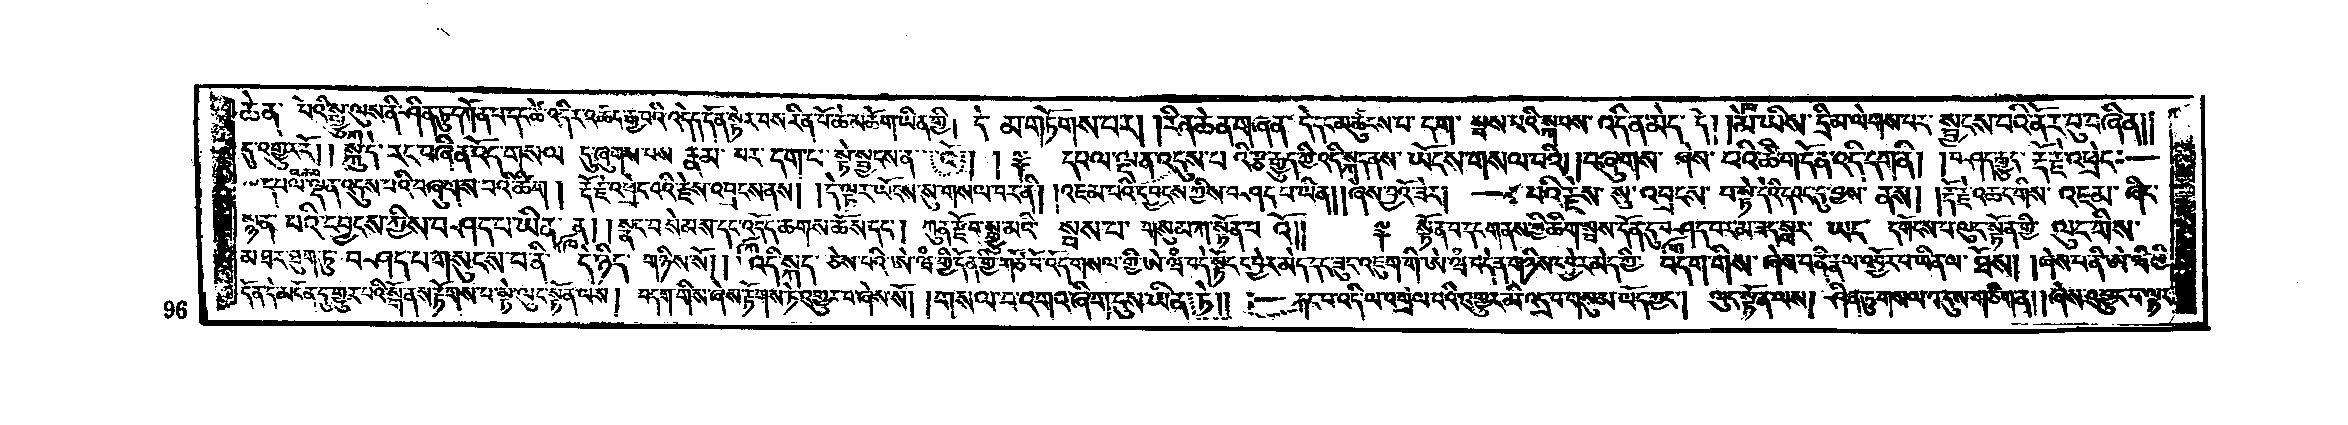ཆེན་པོའི་སྒྱུ་ལུས་ནི་ཤིན་ཏུ་དཀོན་པ་དང་ཚེ་འདིར་འཚང་རྒྱ་བའི་འདོད་དོན་སྟེར་བས་རིན་པོ་ཆེ་མཆོག་ཡིན་གྱི། དེ་མ་གཏོགས་པར། །རིན་ཆེན་གཞན་དེ་དང་མཚུངས་པ་དག་སྲས་པའི་སྐབས་འདི་ན་མེད་དེ། ཁ྄་།མེ་ཡིས་དྲི་མ་ལེགས་པར་སྦྱངས་པའི་ནོར་བུ་བཞིན།།
དུ་འགྱུར་རོ། །སྐུ་དེ་རང་བཞིན་འོད་གསལ་དུ་ཞུགས་པས་རྣམ་པར་དག་པ་སྟེ་སྦྱངས་ན་འོ། ། ༈ དཔལ་ལྡན་འདུས་པའི་རྩ་རྒྱུད་ཀྱི་འདི་སྐད་ནས་ཡོངས་གསལ་བའི། །བཞུགས་ཞེས་པའི་ཚིག་དོན་འདི་དག་ནི། །བཤད་རྒྱུད་རྡོ་རྗེ་འཕྲེང་H.
༧དཔལ་ལྡན་འདུས་པའི་བཞུགས་པའི་ཚིག ། རྡོ་རྗེ་འཕྲེང་བའི་རྗེས་འབྲངས་ནས། །དེ་ལྟར་ཡོངས་སུ་གསལ་བར་ནི། །འཇམ་པའི་དབྱངས་ཀྱིས་བཤད་པ་ཡིན། །ཞེས་བྱའོ་ཟེར། H.་བའི་རྗེས་སུ་འབྲངས་པ་སྟེ་དེའི་དབང་དུ་བྱས་ནས། །རྡོ་རྗེ་འཆང་གིས་འཇམ་ཞིང་
སྙན་པའི་དབྱངས་ཀྱིས་བཤད་པ་ཡིན་ནོ། །སྣང་བ་སེམས་དང་འདོད་ཆགས་ཆོས་དང་། ཀུན་རྫོབ་སྒྱུ་མའི་སྦས་པ་གསུམ་ཀ་སྟོན་པའོ།། ༈ སྟེན་པ་དང་གནས་ཀྱི་ཚིག་སྦས་དོན་དུ་བཤད་པར་མ་ཟད་སླར་ཡང་དགོངས་པ་ལུང་སྟོན་གྱི་ལུང་གིས་
མཐར་ཐུག་ཏུ་བཤད་པ་གསུངས་པ་ནི་དེ་ཉིད་གཉིས་སོ། །འདི་སྐད་ཅེས་པའི་ཨེ་ཝཾ་གྱི་དོན་གྱི་གཙོ་བོ་འོད་གསལ་གྱི་ཨེ་ཝཾ་བདེ་སྟོང་དབྱེར་མེད་དང་ཟུང་འཇུག་གི་ཨེ་ཝཾ་བདེན་གཉིས་དབྱེར་མེད་ཀྱི་བདག་གིས་ཞེས་པ་ནི་རྣལ་འབྱོར་པ་ཡིན་ལ་ཐོས། །ཞེས་པ་ནི་ཨེ་ཝཾ་གྱི་
དོན་དེ་མངོན་དུ་གྱུར་པའི་སྒོ་ནས་རྟོགས་པ་སྟེ་ལུང་སྟོན་ལས། བདག་གིས་ཞེས་རྟོགས་ཏེ་འགྱུར་བ་ཞེས་སོ། །གསལ་བ་འགའ་ཞིག་དུས་ཡིན་ཏེ།། H.་རྐང་པ་འདི་ལ་འགྲེལ་པའི་འགྱུར་མི་འདྲ་བ་གསུམ་ཡོད་ཀྱང་། ལུང་སྟོན་ལས། ཤིན་ཏུ་གསལ་བ་དུས་གཅིག་ན། །ཞེས་འབྱུང་བ་ལྟར་